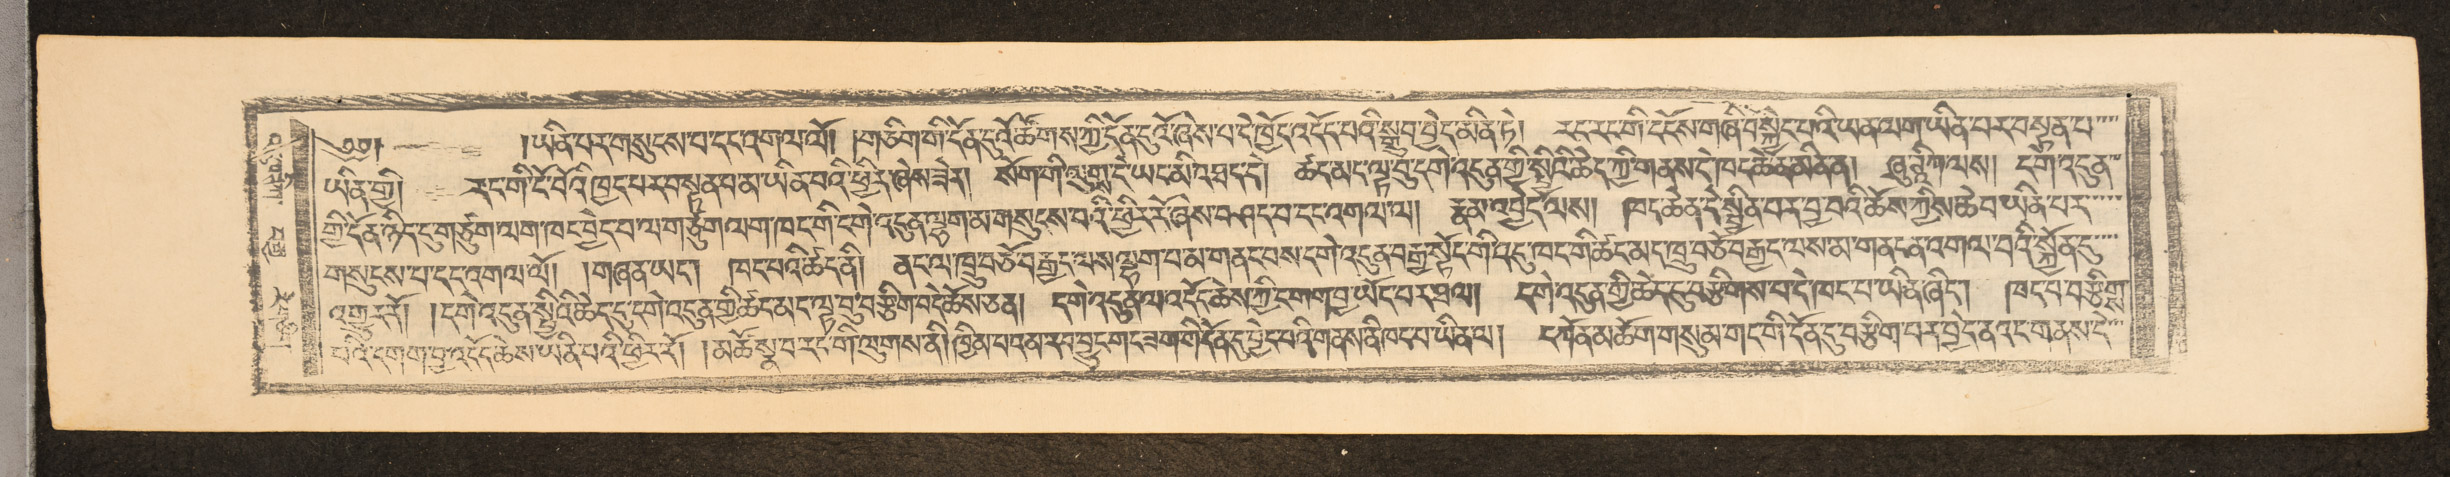༄༅། །ཡིན་པར་གསུངས་པ་དང་འགལ་ལོ། །གཅིག་གི་དོན་དུའོ་ཚོགས་ཀྱི་དོན་དུའོ་ཞེས་པ་དེ་ཁྱོད་འདོད་པའི་སྒྲུབ་བྱེད་མིན་ཏེ། རང་རང་གི་དངོས་གཞི་བསྐྱེད་པའི་ཡན་ལག་ཡིན་པར་བསྟན་པ་
ཡིན་གྱི། རང་གི་ངོ་བོའི་ཁྱད་པར་བསྟན་པ་མ་ཡིན་པའི་ཕྱིར་ཞེས་ཟེར། སོག་གི་ལུགས་དེ་ཡང་མི་འཐད་དེ། ཚང་མང་ལྟ་བུ་དགེ་འདུན་གྱི་སྦྱིའི་ཆེད་ཀྱི་གནས་དེ་ཁང་ཆེན་མིན་ན། ཞུ་ཊཱིཀ་ལས། དགེ་འདུན་
གྱི་དོན་ཉིད་དུ་གཙུག་ལག་ཁང་བྱེད་པ་ལ་གཙུག་ལག་ཁང་གི་དགེ་འདུན་ལྷག་མ་གསུངས་པའི་ཕྱིར་རོ་ཞེས་བཤད་པ་དང་འགལ་ལ། རྣམ་འབྱེད་ལས། ཁང་ཆེན་དེ་སྦྱིན་པར་བྱ་བའི་ཆོས་ཀྱིས་ཆེ་བ་ཡིན་པར་
གསུངས་པ་དང་འགལ་ལོ། །གཞན་ཡང་། ཁང་པའི་ཚད་ནི། ནང་ལ་ཁྲུ་བཅོ་བརྒྱད་ལས་ལྷག་པ་མ་གནང་བས་དགེ་འདུན་བརྒྱ་སྟོང་གི་འདུ་ཁང་གི་ཚང་མང་ཁྲུ་བཅོ་བརྒྱད་ལས་མ་གནང་ན་འགལ་བའི་སྐྱོན་དུ་
འགྱུར་རོ། །དགེ་འདུན་སྤྱིའི་ཆེད་དུ་དགེ་འདུན་གྱི་ཚང་མང་ལྟ་བུ་བརྩིག་བདེ་ཆོས་ཅན། དགེ་འདུན་ལ་འདོད་ཆེས་ཀྱི་དགག་བྱ་ཡོད་པར་ཐལ། དགེ་འདུན་གྱི་ཆེད་དུ་བརྩིགས་པ་དེ་ཁང་པ་ཡིན་ཞིང་། ཁང་པ་བརྩིགས་
པའི་དགག་བྱ་འདོད་ཆེས་ཡིན་པའི་ཕྱིར་རོ། །མཚོ་སྣ་བ་རང་གི་ལུགས་ནི། ཁྱིམ་པའམ་རབ་བྱུང་གང་ཟག་གི་དོན་དུ་བྱེད་པའི་གནས་ནི་ཁང་པ་ཡིན་ལ། དཀོན་མཆོག་གསུམ་གང་གི་དོན་དུ་བརྩིག་པར་བྱེད་ནའང་གནས་དེ་